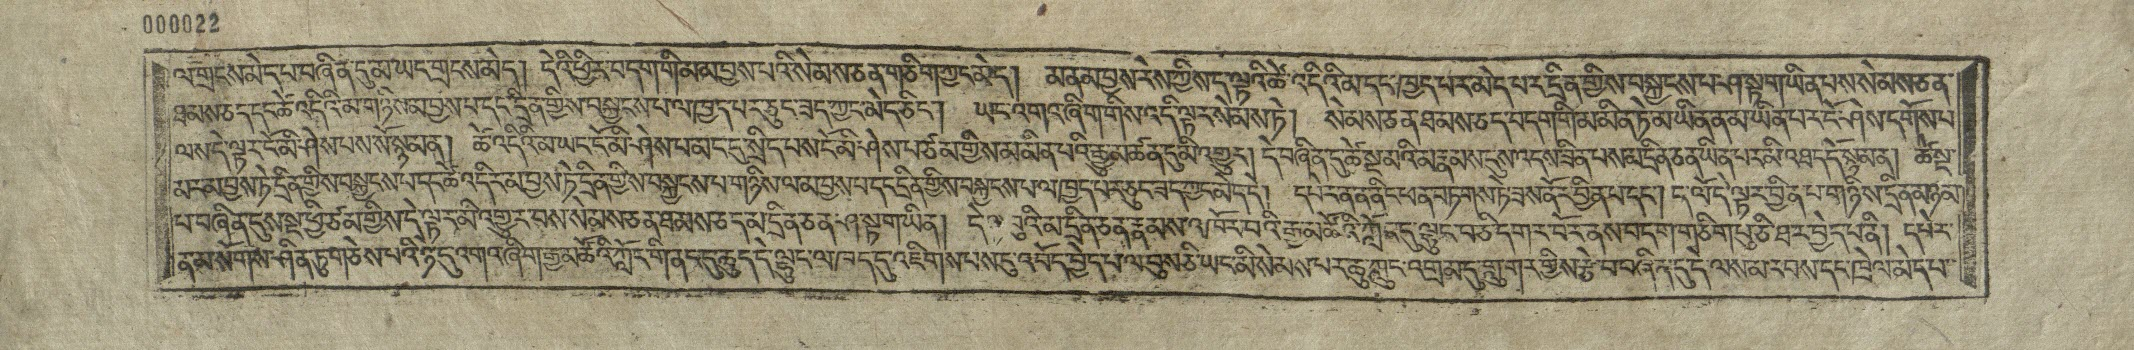ལ་གྲངས་མེད་པ་བཞིན་དུ་མ་ཡང་གྲངས་མེད། དེའི་ཕྱིར་བདག་གི་མ་མ་བྱས་པའི་སེམས་ཅན་གཅིག་ཀྱང་མེད། མ་ནམ་བྱས་རེས་ཀྱིས་ད་ལྟའི་ཚེ་འདིའི་མ་དང་ཁྱད་པར་མེད་པར་དྲིན་གྱིས་བསྐྱངས་པ་ཤ་སྟག་ཡིན་པས་སེམས་ཅན་
ཐམས་ཅད་དང་ཚེ་འདིའི་མ་གཉིས་མ་བྱས་པ་དང་དྲིན་གྱིས་བསྐྱངས་པ་ལ་ཁྱད་པར་ཅུང་ཟད་ཀྱང་མེད་ཅིང་། ཡང་འགའ་ཞིག་གིས་འདི་ལྟར་སེམས་ཏེ། སེམས་ཅན་ཐམས་ཅད་བདག་གི་མ་མིན་ཏེ་མ་ཡིན་ན་མ་ཡིན་པར་ངོ་ཤེས་དགོས་པ་
ལས་དེ་ལྟར་ངོ་མི་ཤེས་པས་སོ་སྙམ་ན། ཚེ་འདིའི་མ་ཡང་ངོ་མི་ཤེས་པ་མང་དུ་སྲིད་པས་ངོ་མི་ཤེས་པ་ཙམ་གྱིས་མ་མིན་པའི་རྒྱུ་མཚན་དུ་མི་འགྱུར། དེ་བཞིན་དུ་ཚེ་སྔ་མའི་མ་རྣམས་དུས་འདས་ཟིན་པས་མ་དྲིན་ཅན་ཡིན་པར་མི་འཐད་དོ་སྙམ་ན། ཚེ་སྔ་
མར་མ་བྱས་ཏེ་དྲིན་གྱིས་བསྐྱངས་པ་དང་ཚེ་འདིར་མ་བྱས་ཏེ་དྲིན་གྱིས་བསྐྱངས་པ་གཉིས་ལ་མ་བྱས་པ་དང་དྲིན་གྱིས་བསྐྱངས་པ་ལ་ཁྱད་པར་ཅུང་ཟད་ཀྱང་མེད་དེ། དཔེར་ན་ན་ནིང་ཕན་བཏགས་ཏེ་ཟས་ནོར་བྱིན་པ་དང་། ད་ལོ་དེ་ལྟར་བྱིན་པ་གཉིས་དྲིན་མཉམ་
པ་བཞིན་དུས་སྔ་ཕྱི་ཙམ་གྱིས་དེ་ལྟར་མི་འགྱུར་བས་སེམས་ཅན་ཐམས་ཅད་མ་དྲིན་ཅན་ཤ་སྟག་ཡིན། དེ་ལྟ་བུའི་མ་དྲིན་ཅན་རྣམས་འཁོར་བའི་རྒྱ་མཚོའི་ཀློང་དུ་ལྷུང་པ་ཅི་དགར་བོར་ནས་བདག་གཅིག་པུ་ཅི་ཐར་བྱེད་པ་ནི། དཔེར་
ན་མ་སོགས་ཤིན་ཏུ་གཅེས་པའི་ཉེ་དུ་འགའ་ཞིག་རྒྱ་མཚོའི་ཀློང་གི་ནང་དུ་ཆུད་དེ་ལྷུང་ལ་ཁད་དུ་འཇིགས་པས་ངུ་འབོད་བྱེད་པ་ལ་བུས་ཅི་ཡང་མི་སེམས་པར་ཆུ་ཀླུང་འགྲམ་དུ་གླུ་གར་གྱིས་རྩེ་བ་བཞིན་དུ་དེ་ལས་མ་རབས་དང་ཁྲེལ་མེད་པ་